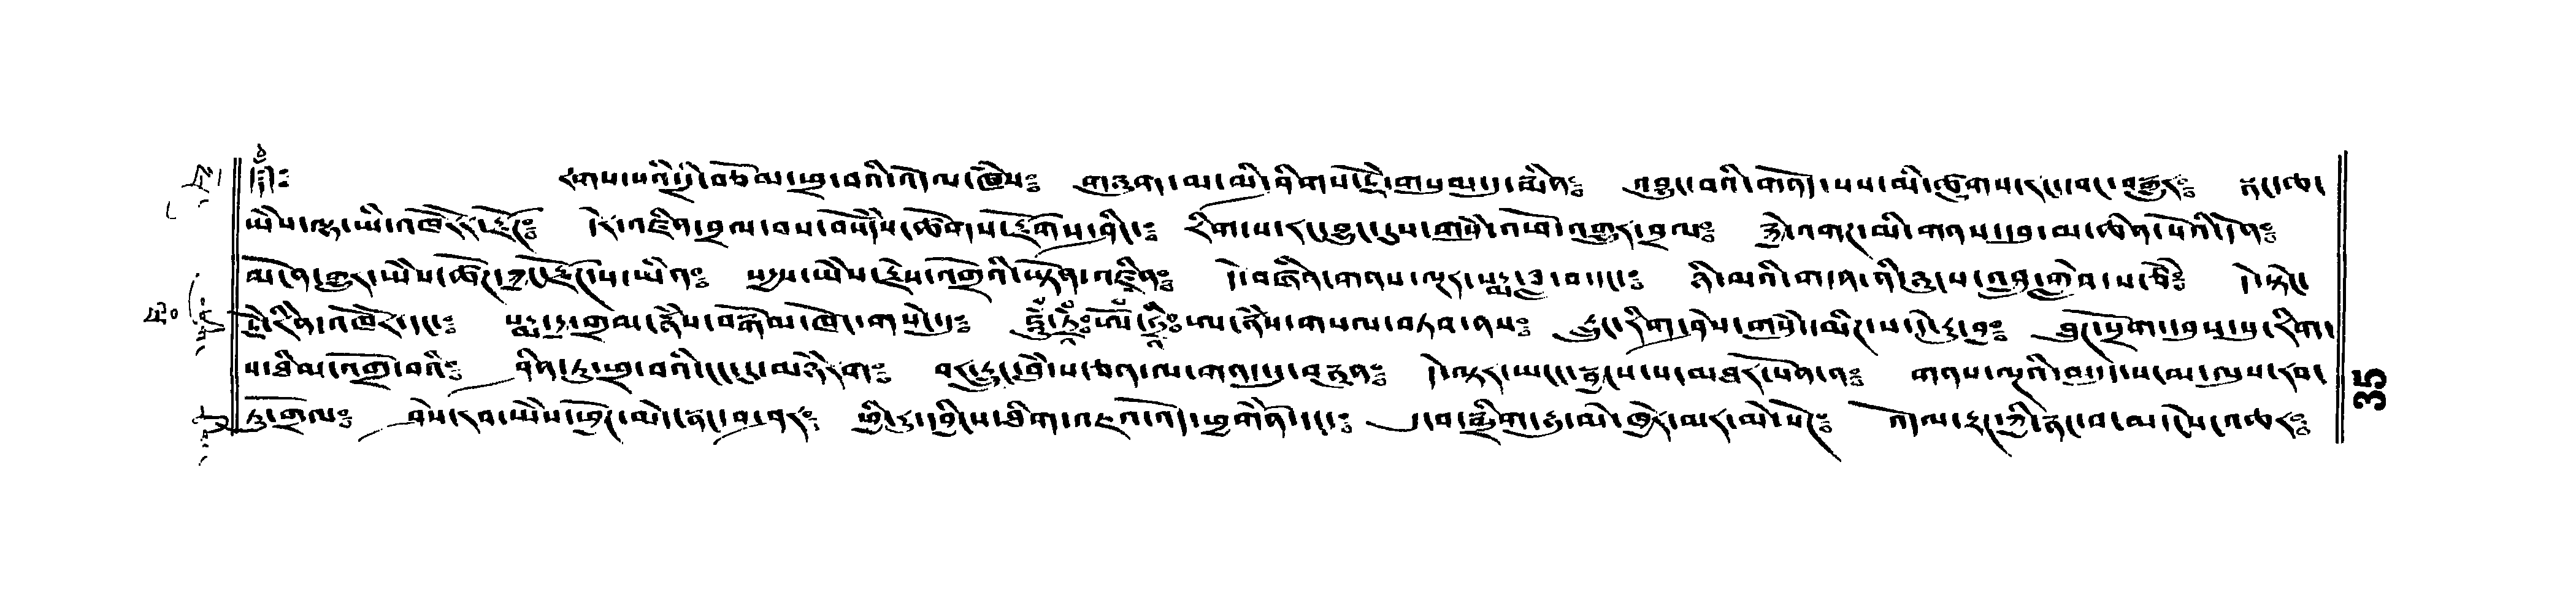རགས་པའི་དྲི་བཅོམ་ཕྲ་བའི་འོད་གསལ་ཁམས༔གཉུག་མ་མི་ཤིགས་རྡོ་རྗེ་གསུམ་དུ་སྨིན༔ འབྱུང་བའི་གནོད་པས་མི་ཚུགས་རང་དབང་བསྒྱུར༔ སྣང་ཆ་
ཡེ་ཤེས་ལྷ་ཡི་འཁོར་ལོར་རྫོགས༔ དེར་འཛིན་བྲལ་བས་བསོད་ནམས་ཚོགས་རྫོགས་ཤིང༔ རིག་པ་རང་བྱུང་དུས་གསུམ་འཕོ་འགྱུར་བྲལ༔ སྐྱེ་འགགས་མི་གནས་དབུ་མ་ཆེན་པོའི་དོན༔ 
མངོན་གྱུར་ཡེ་ཤེས་ཚོགས་ཀྱང་རྫོགས་པ་ཡིན༔ སངས་རྒྱས་ཡེ་ཤེས་རྗེས་འགྲོའི་ཡོན་ཏན་འཛིན༔ དེ་བཞིན་གནས་ལྔར་པདྨ་ཟླ་བ་དང༔ ཉི་མའི་གདན་ནི་ཉུངས་འབྲུ་གླེབ་པ་ཙམ༔ དེ་སྟེང་
རྡོ་རྗེ་རིན་ཆེན་འཁོར་ལོར་དང༔ པདྨ་རྒྱ་གྲམ་རྣམས་བསྒོམ་ཁོང་གསེང་དུ༔ ཧཱུྃ་ཏྲཱྃཿཨོཾ་ཧྲཱིཿཨ་རྣམས་གསལ་བཏབ་ནས༔ རླུང་རིག་ཤེས་གསུམ་དམིགས་པ་དེ་རུ་བྱ༔ ཐུགས་སྲོག་དབུས་སུ་རིག་
པ་ཐིམ་འགྲོ་བའི༔ ཤིན་ཏུ་ཕྲ་བའི་ངང་དུ་མཉམ་པར་བདག༔ བར་རླུང་བུམ་པ་ཅན་ལ་གནད་དུ་བསྣུན༔ དེ་ལྟར་ཡང་ཡང་སྦྱངས་པ་མཐར་སོན་ན༔ གནས་ལྔའི་མདུད་པ་མ་ལུས་རབ་
ཏུ་གྲོལ༔ ཤེས་རབ་ཡེ་ཤེས་ཕྱོགས་མེད་སྣང་བ་ཤར༔ ཕྱི་རུ་དབྱིངས་ཐིག་འཇའ་འོད་ཕྱག་མཚན་དང༔ དུ་བ་སྨྲིག་རྒྱུ་མེ་ཁྱེར་མར་མེ་སོགས༔ འོད་གསལ་རྟགས་ཀྱི་སྣང་བ་མངེས་འཆར༔